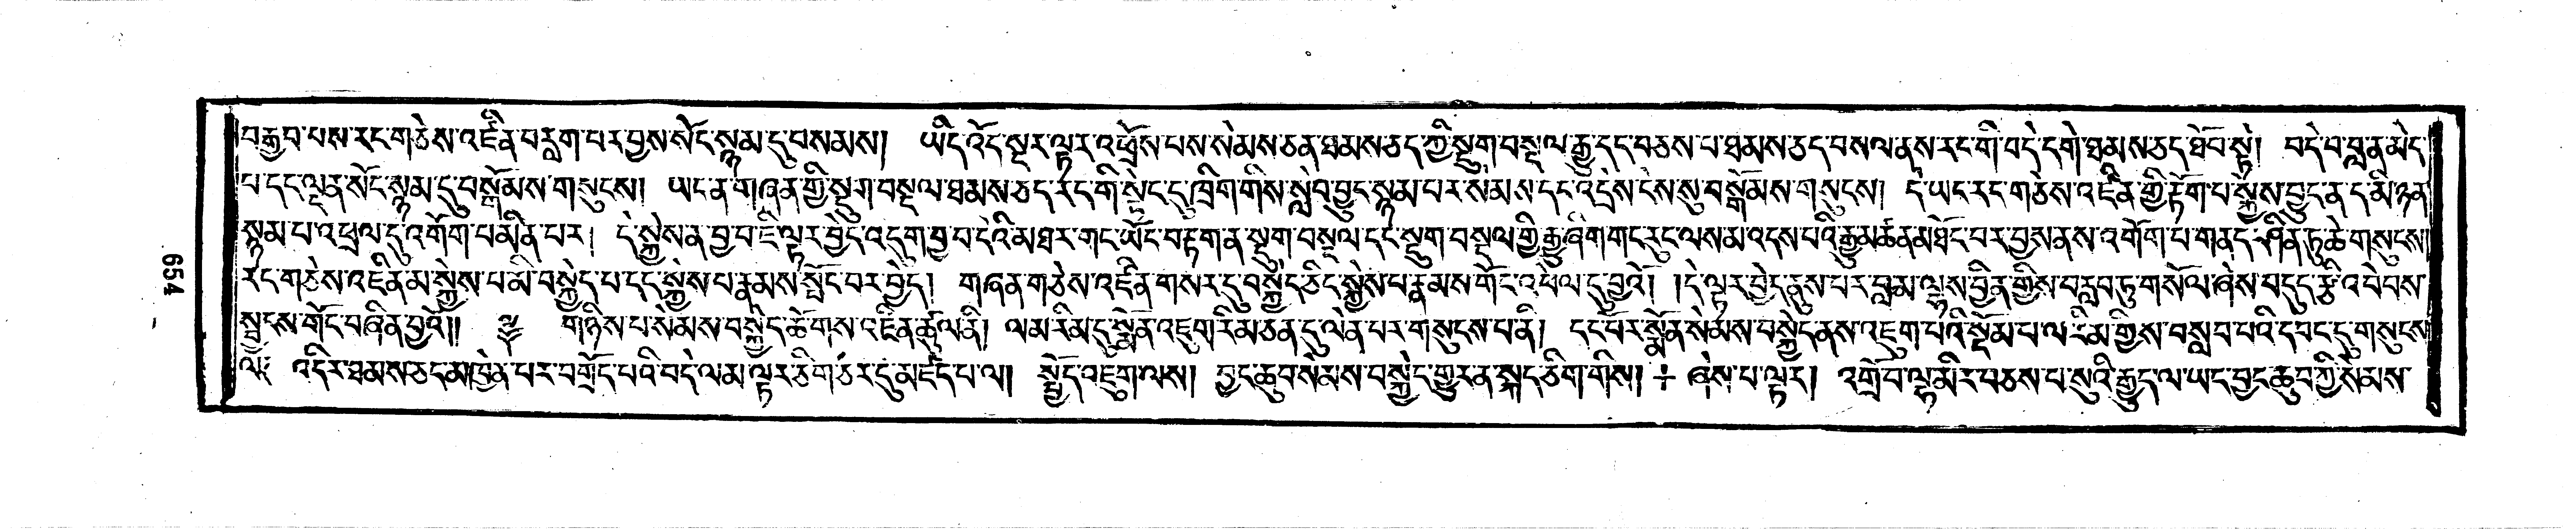བརྒྱབ་པས་རང་གཅེས་འཛིན་བརླག་པར་བྱས་སོང་སྙམ་དུ་བསམས། ཡིད་འོད་སྔར་ལྟར་འཕྲོས་པས་སེམས་ཅན་ཐམས་ཅད་ཀྱི་སྡུག་བསྔལ་རྒྱུ་དང་བཅས་པ་ཐམས་ཅད་བསལ་ནས་རང་གི་བདེ་དགེ་ཐམས་ཅད་ཐོབ་སྟེ། བདེ་བ་བླ་ན་མེད་
པ་དང་ལྡན་སོང་སྙམ་དུ་བསྒོམས་གསུངས། ཡང་ན་གཞན་གྱི་སྡུག་བསྔལ་ཐམས་ཅད་རང་གི་སྟེང་དུ་ཁྲིག་གིས་སླེབ་བྱུང་སྙམ་པར་སེམས་དང་འདྲེས་ངེས་སུ་བསྒོམས་གསུངས། དེ་ཡང་རང་གཅེས་འཛིན་གྱི་རྟོག་པ་སྐྱེས་བྱུང་ན་ད་མི་ཉན་
སྙམ་པ་འཕྲལ་དུ་འགོག་པ་མིན་པར། དེ་སྐྱེས་ན་བྱ་བ་ཇི་ལྟར་བྱེད་འདུག་བྱ་བ་དེའི་མཐར་གང་ཡོང་བརྟག་ན་སྡུག་བསྔལ་དང་སྡུག་བསྔལ་གྱི་རྒྱུ་ཞིག་གང་རུང་ལས་མ་འདས་པའི་རྒྱུ་མཚན་མཐོང་བར་བྱས་ནས་འགོག་པ་གནད་ཤིན་ཏུ་ཆེ་གསུངས།
རང་གཅེས་འཛིན་མ་སྐྱེས་པ་མི་བསྐྱེད་པ་དང་སྐྱེས་པ་རྣམས་སྤོང་བར་བྱེད། གཞན་གཅེས་འཛིན་གསར་དུ་བསྐྱེད་ཅིང་སྐྱེས་པ་རྣམས་གོང་འཕེལ་དུ་བྱའོ། །དེ་ལྟར་བྱེད་ནུས་པར་བླ་མ་ལྷས་བྱིན་གྱིས་བརླབ་ཏུ་གསོལ་ཞེས་བདུད་རྩི་འབེབས་
སྦྱངས་གོང་བཞིན་བྱའོ།། ༈ གཉིས་པ་སེམས་བསྐྱེད་ཚོགས་འཛིན་ཚུལ་ནི། ལམ་རིམ་དུ་སྨོན་འཇུག་རིམ་ཅན་དུ་ལེན་པར་གསུངས་པ་ནི། དང་པོར་སྨོན་སེམས་བསྐྱེད་ནས་འཇུག་པའི་སྡོམ་པ་ལ་རིམ་གྱིས་བསླབ་པའི་དབང་དུ་གསུངས་
ལ༑ འདིར་ཐམས་ཅད་མཁྱེན་པར་བགྲོད་པའི་བདེ་ལམ་ལྟར་ཅིག་ཙར་དུ་མཛད་པ་ལ། སྤྱོད་འཇུག་ལས། བྱང་ཆུབ་སེམས་བསྐྱེད་གྱུར་ན་སྐད་ཅིག་གིས། +་ཞེས་པ་ལྟར། འགྲོ་བ་ལྷ་མིར་བཅས་པ་སུའི་རྒྱུད་ལ་ཡང་བྱང་ཆུབ་ཀྱི་སེམས་